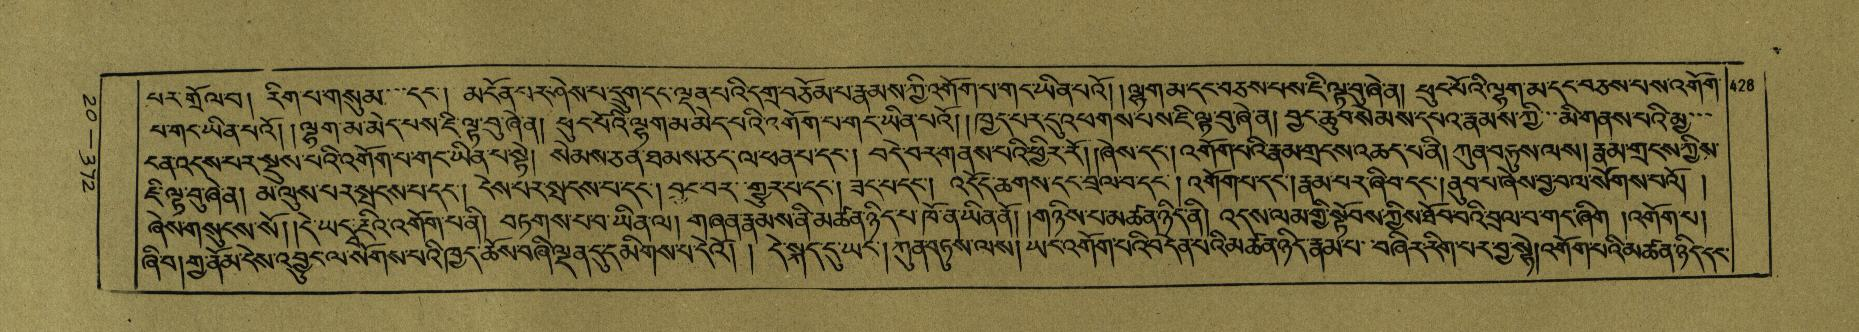པར་གྲོལ་བ། རིག་པ་གསུམ་དང་། མངོན་པར་ཤེས་པ་དྲུག་དང་ལྡན་པའི་དགྲ་བཅོམ་པ་རྣམས་ཀྱི་འགོག་པ་གང་ཡིན་པའོ། །ལྷག་མ་དང་བཅས་པས་ཇི་ལྟ་བུ་ཞེ་ན། ཕུང་པོའི་ལྷག་མ་དང་བཅས་པས་འགོག་
པ་གང་ཡིན་པའོ། །ལྷག་མ་མེད་པས་ཇི་ལྟ་བུ་ཞེ་ན། ཕུང་པོའི་ལྷག་མ་མེད་པའི་འགོག་པ་གང་ཡིན་པའོ། །ཁྱད་པར་དུ་འཕགས་པས་ཇི་ལྟ་བུ་ཞེ་ན། བྱང་ཆུབ་སེམས་དཔའ་རྣམས་ཀྱི་མི་གནས་པའི་མྱ་
ངན་འདས་པར་སྡུས་པའི་འགོག་པ་གང་ཡིན་པ་སྟེ། སེམས་ཅན་ཐམས་ཅད་ལ་ཕན་པ་དང་། བདེ་བར་གནས་པའི་ཕྱིར་རོ། །ཞེས་དང་། འགོག་པའི་རྣམ་གྲངས་འཆད་པ་ནི། ཀུན་བཏུས་ལས། རྣམ་གྲངས་ཀྱིས་
ཇི་ལྟ་བུ་ཞེ་ན། མ་ལུས་པར་སྤངས་པ་དང་། ངེས་པར་སྤངས་པ་དང་། བྱང་བར་གྱུར་པ་དང་། ཟད་པ་དང་། འདོད་ཆགས་དང་བྲལ་བ་དང་། འགོག་པ་དང་། རྣམ་པར་ཞི་བ་དང་། ནུབ་པ་ཞེས་བྱ་བ་ལ་སོགས་པའོ། །
ཞེས་གསུངས་སོ། །དེ་ཡང་བརྡའི་འགོག་པ་ནི། བཏགས་པ་བ་ཡིན་ལ། གཞན་རྣམས་ནི་མཚན་ཉིད་པ་ཁོ་ན་ཡིན་ནོ། །གཉིས་པ་མཚན་ཉིད་ནི། འདས་ལམ་གྱི་སྟོབས་ཀྱིས་ཐོབ་པའི་བྲལ་བ་གང་ཞིག །འགོག་པ།
ཞི་བ། གྱ་ནོམ་ངེས་འབྱུང་ལ༑ སོགས་པའི་ཁྱད་ཆོས་བཞི་ལྡན་དུ་དམིགས་པ་དེའོ། །དེ་སྐད་དུ་ཡང་། ཀུན་བཏུས་ལས། ཡང་འགོག་པའི་བདེན་པའི་མཚན་ཉིད་རྣམ་པ་བཞིར་རིག་པར་བྱ་སྟེ། འགོག་པའི་མཚན་ཉིད་དམ་